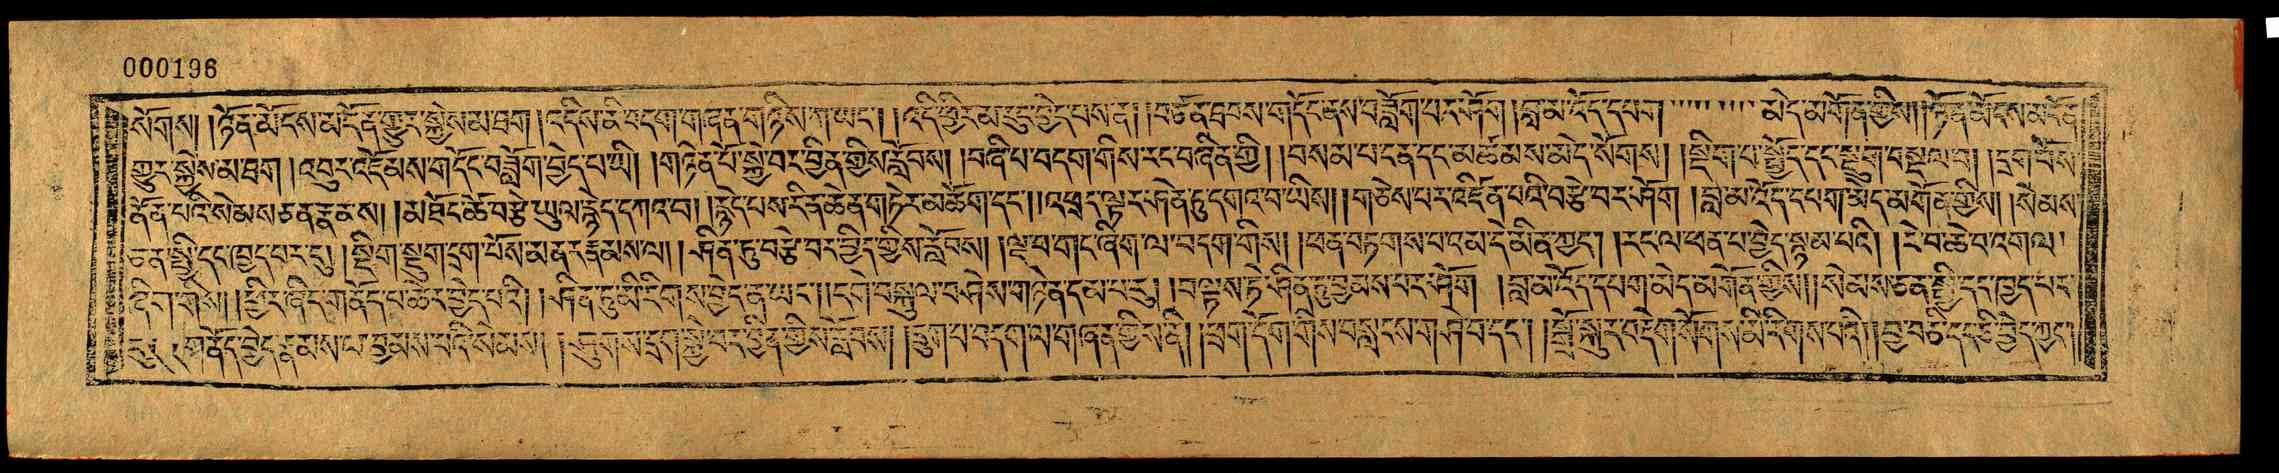སོགས། །ཉོན་མོངས་མངོན་གྱུར་སྐྱེས་མ་ཐག །འདིས་ནི་བདག་གཞན་གཉིས་ཀ་ཡང་། །འདི་ཕྱིར་མ་རུང་བྱེད་པས་ན། །བཙན་ཐབས་གདོད་ནས་བཟློག་པར་ཤོག །བླ་མ་འོད་དཔག་མེད་མགོན་གྱིས། །ཉོན་མོངས་མངོན་
གྱུར་སྐྱེས་མ་ཐག །འབུར་འཇོམས་གདོང་བཟློག་བྱེད་པ་ཡི། །གཉེན་པོ་སྐྱེ་བར་བྱིན་གྱིས་རློབས། །བཞི་པ་བདག་གིས་རང་བཞིན་གྱི། །བསམ་པ་ངན་དང་མཚམས་མེད་སོགས། །སྡིག་པ་སྤྱོད་དང་སྡུག་བསྔལ་བ། །དྲག་པོས་
ནོན་སའི་སེམས་ཅན་རྣམས། །མཐོང་ཚེ་བརྩེ་ཡུལ་རྙེད་དཀའ་བ། །རྙེད་པས་རིན་ཆེན་གཏེར་མཆོག་དང་། །འཕྲད་ལྟར་ཤིན་ཏུ་དགའ་བ་ཡིས། །གཅེས་པར་འཛིན་པའི་བརྩེ་བར་ཤོག །བླ་མ་འོད་དཔག་མེད་མགོན་གྱིས། །སེམས་
ཅན་སྤྱི་དང་ཁྱད་པར་དུ། །སྡིག་སྡུག་དྲག་པོས་མནར་རྣམས་ལ། །ཤིན་ཏུ་བརྩེ་བར་བྱིན་གྱིས་རློབས། །ལྔ་པ་གང་ཞིག་ལ་བདག་གིས། །ཕན་བཏགས་པའམ་དེ་མིན་ཀྱང་། །རང་ལ་ཕན་པ་བྱེད་སྙམ་པའི། །རེ་བ་ཆེ་བ་འགའ་
ཞིག་གིས། །ཕྱིར་ཞིང་གནོད་པ་ཆེར་བྱེད་པའི། །ཤིན་ཏུ་མི་རིགས་བྱེད་ན་ཡང་། །དགེ་བསྐུལ་བཤེས་གཉེན་དམ་པ་རུ། །བལྟས་ཏེ་ཤིན་ཏུ་བྱམས་པར་ཤོག །བླ་མ་འོད་དཔག་མེད་མགོན་གྱིས། །སེམས་ཅན་སྤྱི་དང་ཁྱད་པར་
དུ། །གནོད་བྱེད་རྣམས་ལ་བྱམས་པའི་སེམས། །ཤུགས་དྲག་སྐྱེ་བར་བྱིན་གྱིས་རློབས། །དྲུག་པ་བདག་ལ་གཞན་གྱིས་ནི། །ཕྲག་དོག་གིས་བསླངས་གཤེ་བ་དང་། །སྒྲོ་སྐུར་བརྡེག་སོགས་མི་རིགས་པའི། །བྱ་བ་ཅི་དང་ཅི་བྱེད་ཀྱང་